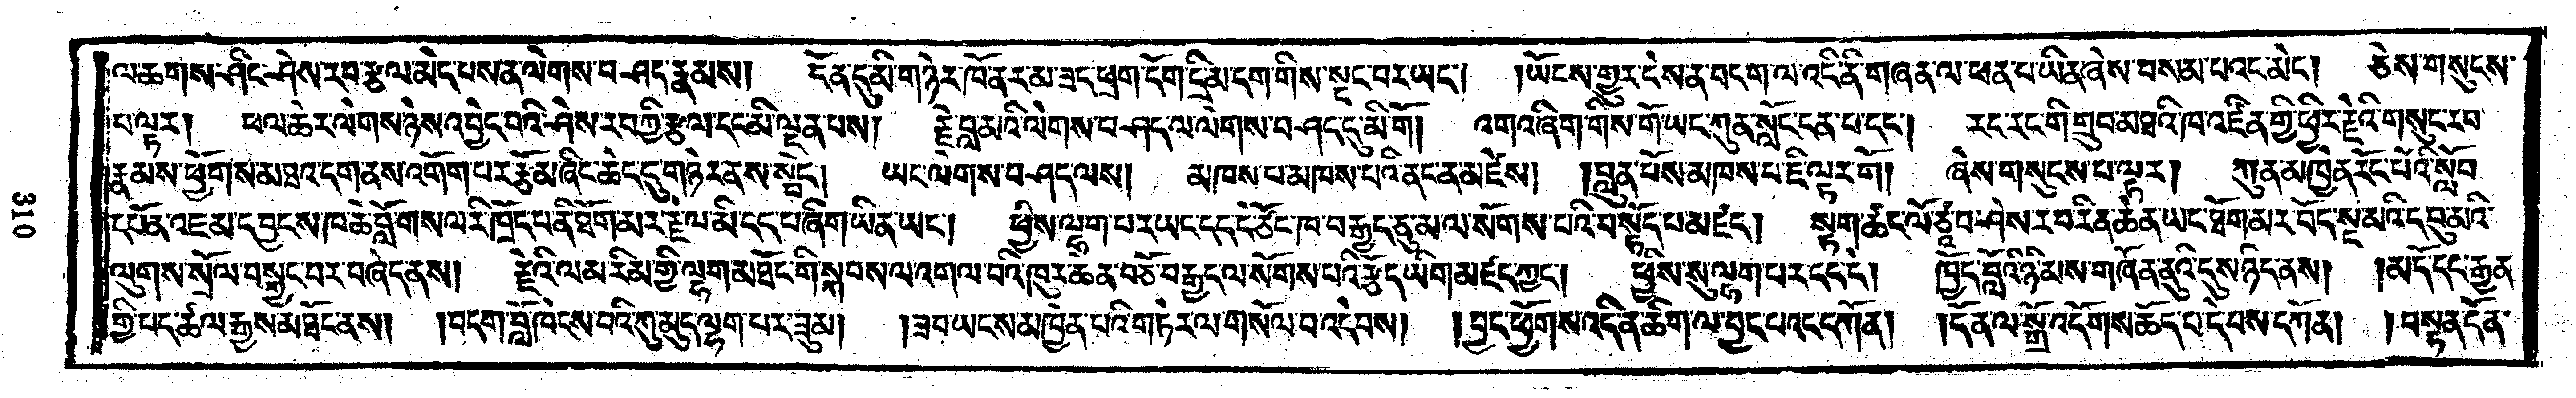ལ་ཆགས་ཤིང་ཤེས་རབ་རྩལ་མེད་པས་ན་ལེགས་བཤད་རྣམས། དོན་དུ་མི་གཉེར་ཁོ་ནར་མ་ཟད་ཕྲག་དོག་དྲི་མ་དག་གིས་སྡང་བར་ཡང་། །ཡོངས་གྱུར་ངེས་ན་བདག་ལ་འདི་ནི་གཞན་ལ་ཕན་པ་ཡིན་ཞེས་བསམ་པའང་མེད། ཅེས་གསུངས་
པ་ལྟར། ཕལ་ཆེར་ལེགས་ཉེས་འབྱེད་པའི་ཤེས་རབ་ཀྱི་རྩལ་དང་མི་ལྡན་པས། རྗེ་བླ་མའི་ལེགས་བཤད་ལ་ལེགས་བཤད་དུ་མི་གོ། འགའ་ཞིག་གིས་གོ་ཡང་ཀུན་སློང་ངན་པ་དང་། རང་རང་གི་གྲུབ་མཐའི་ཁ་འཛིན་གྱི་ཕྱིར་རྗེའི་གསུང་རབ་
རྣམས་ཕྱོགས་མཐའ་དག་ནས་འགོག་པར་རྩོམ་ཞིང་ཆེད་དུ་གཉེར་ནས་སྤོང་། ཡང་ལེགས་བཤད་ལས། མཁས་པ་མཁས་པའི་ནང་ན་མཛེས། །བླུན་པོས་མཁས་པ་ཇི་ལྟར་གོ། །ཞེས་གསུངས་པ་ལྟར། ཀུན་མཁྱེན་རོང་པོའི་སློབ་
དཔོན་འཇམ་དབྱངས་ཁ་ཆེ་བློ་གསལ་རི་ཁྲོད་པ་ནི་ཐོག་མར་རྗེ་ལ་མི་དང་པ་ཞིག་ཡིན་ཡང་།ཕྱིས་ལྷག་པར་ཡང་དང་ངེས་ཙོང་ཁ་བརྒྱད་ཅུ་མ་ལ་སོགས་པའི་བསྟོད་པ་མཛད། སྟག་ཚང་ལོ་ཙཱ་བ་ཤེས་རབ་རིན་ཆེན་ཡང་ཐོག་མར་བོད་སྔ་མའི་དབུ་མའི་
ལུགས་སྲོལ་བསྐྱང་བར་བཞེད་ནས། རྗེའི་ལམ་རིམ་གྱི་ལྷག་མཐོང་གི་སྐབས་ལ་འགལ་བའི་ཁུར་ཆེན་བཅོ་བརྒྱད་ལ་སོགས་པའི་རྩོད་ཡིག་མཛད་ཀྱང་། པྱྱིས་སུ་ལྷག་པར་དང་ངེ། །ཁྱོད་བློའི་ཉི་མས་གཞོན་ནུའི་དུས་ཉིད་ནས། །མདོ་དང་རྒྱན་
གྱི་པད་ཚལ་རྒྱས་མཐོང་ནས། །བདག་བློ་ཁེངས་པའི་ཀུ་མུད་ལྷག་པར་ཟུམ། །ཟབ་ཡངས་མཁྱེན་པའི་གཏེར་ལ་གསོལ་པ་འདེབས། །བྱང་ཕྱོགས་འདི་ན་ཆིག་ལ་བྱང་པའང་དཀོན། །དོན་ལ་སྒྲོ་འདོགས་ཆོད་པ་དེ་བས་དཀོན། །བསྟན་དོན་